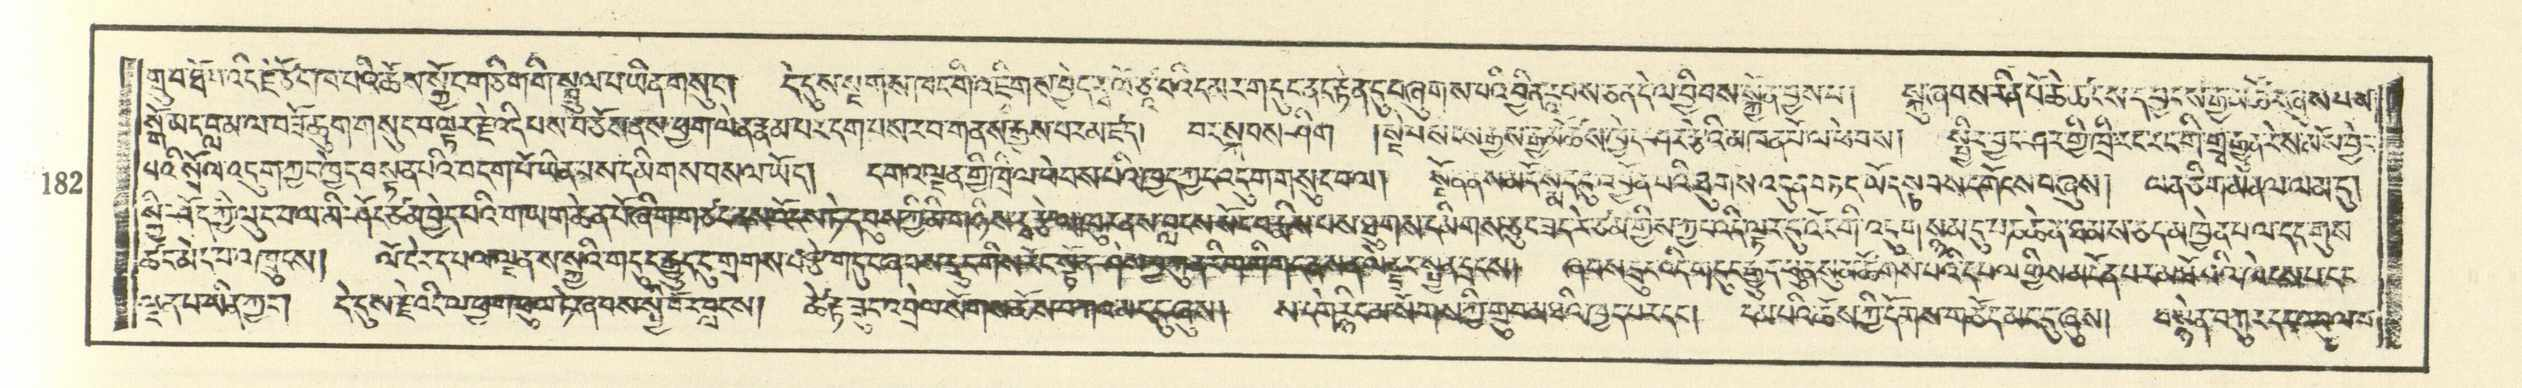གྲུབ་ཐོབ་འདི་རྗེ་ཙོང་ཁ་པའི་ཆོས་སྐྱོང་གཅིག་གི་སྤྲུལ་པ་ཡིན་གསུང་། དེ་དུས་སྔགས་ཁང་གི་འཇིགས་བྱེད་རྭ་ལོ་ཙཱ་བའི་དམར་གདུང་ནང་རྟེན་དུ་བཞུགས་པའི་བྱིན་རླབས་ཅན་དེ་ལ་བྱིབས་སྐྱོན་བྱས་པ། སྐུ་ཞབས་རིན་པོ་ཆེ་ཚངས་དབྱངས་རྒྱ་མཚོར་ཞུས་པས།
སྒོ་མང་བླ་མ་ལ་བཟོ་ཆུག་གསུང་བ་ལྟར་རྗེ་འདི་པས་བཅོས་ནས་ཕྱག་ལེན་རྣམ་པར་དག་པས་རབ་གནས་རྒྱས་པར་མཛད། བར་སྐབས་ཤིག །སྡེ་པ་སངས་རྒྱས་རྒྱ་མོ་ཚས་ཁྱེད་ཤར་རྩེའི་མཁན་པོ་ལ་ཕེབས། སྤྱིར་བྱང་ཤར་གྱི་ཁྲི་རང་རང་གི་གྲྭ་རྒྱུན་རེས་མོས་བྱེད་
པའི་སྲོལ་འདུག་ཀྱང་ཁྱད་བསྟན་པའི་བདག་པོ་ཡིན་པས་དམིགས་བསལ་ཡོད། དགའ་ལྡན་གྱི་ཁྲི་ལ་ཕེབས་པའི་ཁྱད་ཀྱང་འདུག་གསུང་བ་ལ། སྔོན་ནས་མདོ་སྨད་དུ་འབྱོན་པའི་ཐུགས་འདུན་བཏང་ཡོད་སྟབས་དགོངས་པ་ཞུས། ལན་ཅིག་མནལ་ལམ་དུ།
སྐྱི་ཤོད་ཀྱི་ལུང་པ་ལ་མི་ཤོང་ཙམ་བྱེད་པའི་གཡག་ཆེན་པོ་ཞིག་གཙང་ནས་འོངས་ཏེ་དབུས་ཀྱི་མི་གཉིས་རྭ་རྩེལ་ཁུར་ནས་བླངས་སོང་བ་རྨིས་པས་ཐུགས་དམིགས་ཅུང་ཟད་རེ་ཙམ་གྱིས་ཀྱང་འདི་ལྟར་དུ་འོང་གི་འདུག་སྙམ་དུ་པཎ་ཆེན་ཐམས་ཅད་མཁྱེན་པ་ལ་དང་གུས་
ཚང་མེད་པ་འཁྲུངས། ལོ་ངེར་དཔལ་ལྡན་ས་སྐྱའི་གདུང་རྒྱུད་དུ་གྲགས་བརྩེ་གདུང་ཞབས་དྲུང་གིས་རོང་སྟོན་ཤེས་བྱ་ཀུན་རིག་གི་གདན་ས་ན་ལེནྡྲར་སྦྱན་དྲངས། ཞབས་དྲུང་འདི་གདུང་རྒྱུད་ཕུན་སུམ་ཚོགས་པའི་དཔལ་གྱིས་མངོན་པར་མཐོ་པའི་ཁེངས་པ་དང་
ལྡན་པ་ཡིན་ཀྱང་། དེ་དུས་རྗེ་འདི་ལ་ཕྱག་ཕུལ་ཏེ་ཞབས་སྤྱི་བོར་བླངས། ཚེ་རྟ་ཟུང་འབྲེལ་སོགས་ཆོས་བཀའ་མང་དུ་ཞུས། ས་དགེ་རྙིང་མ་སོགས་ཀྱི་གྲུབ་མཐའི་ཁྱད་པར་དང་། དམ་པའི་ཆོས་ཀྱི་དོགས་གཅོད་མང་དུ་ཞུས། བསྙེན་བཀུར་དད་འབུལ་བ་